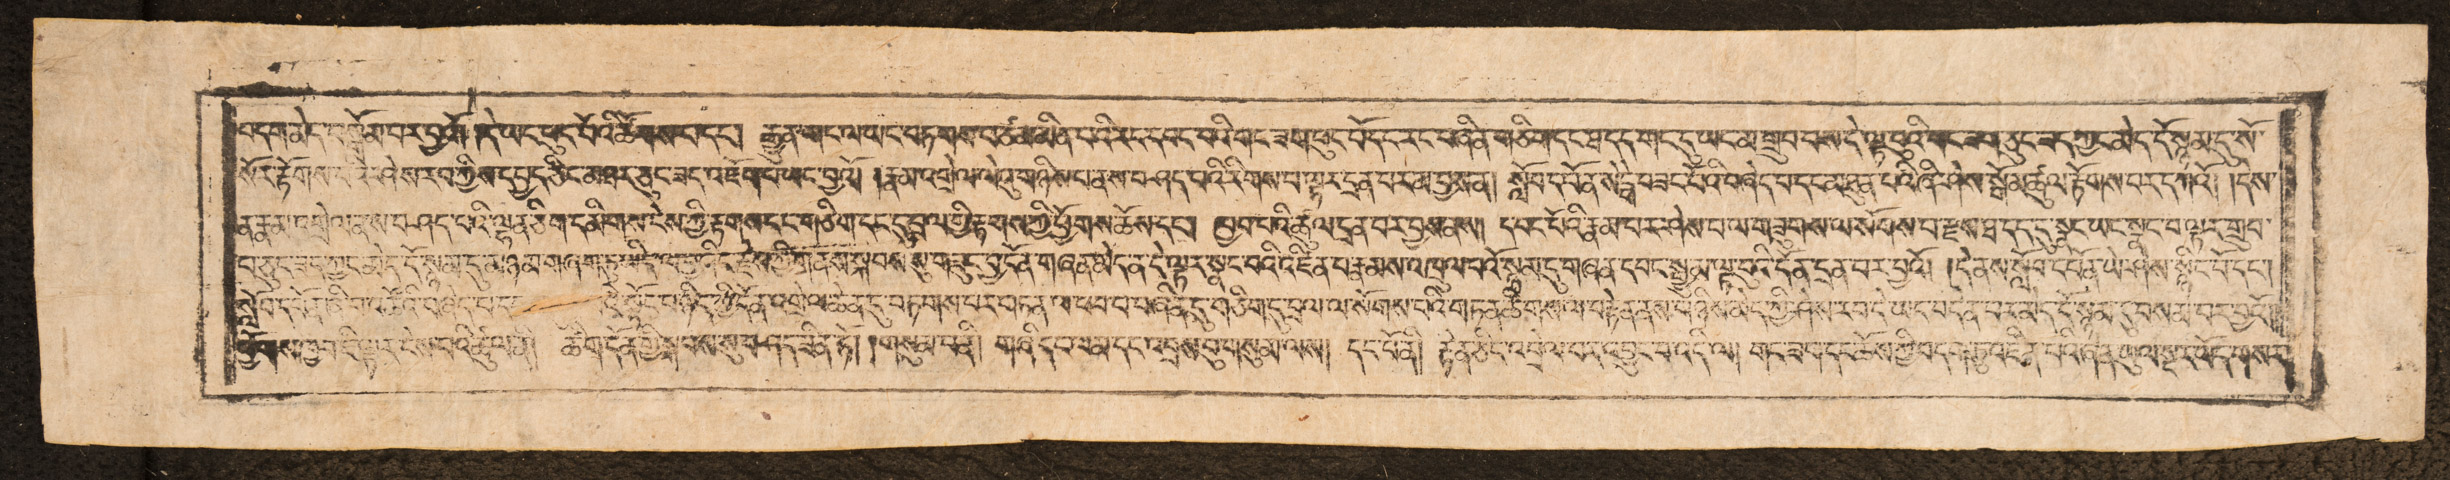བདག་མེད་བསྒོམ་པར་བྱའོ། །དེ་ཡང་ཕུང་པོའི་ཚོགས་པ་དང་། རྒྱུན་གང་ལ་ཡང་བཏགས་པ་ཙམ་མིན་པའི་རང་དབང་པའི་གང་ཟག་ཕུང་པོ་དང་རང་བཞིན་གཅིག་དང་ཐ་དད་གང་དུ་ཡང་མ་གྲུབ་པས་དེ་ལྟ་བུའི་གང་ཟག་ཅུང་ཟད་ཀྱང་མེད་དོ་སྙམ་དུ་སོ་
སོར་རྟོགས་པའི་ཤེས་རབ་ཀྱིས་དཔྱད་ཅིང་མཐར་ཅུང་ཟད་འཇོག་པ་ཡང་བྱའོ། །རྣམ་འགྲེལ་ལེའུ་གཉིས་པ་ནས་བཤད་པའི་རིགས་པ་ལྟར་དྲན་པར་མ་བྱས་ན། སློབ་དཔོན་སེངྒེ་བཟང་པོའི་བཞེད་པ་དང་མཐུན་པའི་ཞི་ཤེས་སྒོམ་ཚུལ་རྟོགས་པར་དཀའོ། །དེས་
ན་རྣམ་འགྲེལ་ནས་བཤད་པའི་ལྷན་ཅིག་དམིགས་ངེས་ཀྱི་རྟགས་དང་གཅིག་དང་དུ་བྲལ་གྱི་རྟགས་ཀྱི་ཕྱོགས་ཆོས་དང་། ཁྱབ་པའི་ཚུལ་དྲན་པར་བྱས་ནས། དབང་པོའི་རྣམ་པར་ཤེས་པ་ལ་གཟུགས་ལ་སོགས་པ་རྫས་ཐ་དད་དུ་སྣང་ཡང་སྣང་བ་ལྟར་གྲུབ་
པ་ཅུང་ཟད་ཀྱང་མེད་དོ་སྙམ་དུ་མཉམ་གཞག་ཏུ་ཡིད་ལ་བྱ་ཞིང་རྗེས་ཀྱི་གནས་སྐབས་སུ་གཟུང་བྱ་དོན་གཞན་མེད་ན་དེ་ལྟར་སྣང་བའི་འཛིན་པ་རྣམས་འཁྲུལ་པའོ་སྙམ་དུ་གཞན་དབང་སྒྱུ་མ་ལྟ་བུའི་དོན་དྲན་པར་བྱའོ། །དེ་ནས་སློབ་དཔོན་ཡེ་ཤེས་སྙིང་པོ་དང་།
སློབ་དཔོན་ཞི་བ་འཚོའི་བཞེད་པ་དང་མཐུན་པའི་སྟོང་པ་ཉིད་ཀྱི་དོན་འགྲེལ་ཆེན་དུ་བཏགས་པར་གཏན་ལ་ཕབ་པ་བཞིན་དུ་གཅིག་དུ་བྲལ་ལ་སོགས་པའི་གཏན་ཚིགས་ལ་བརྟེན་ནས་གཉིས་མེད་ཀྱི་ཤེས་རབ་དེ་ཡང་བདེན་པར་མེད་དོ་སྙམ་དུ་བསམ་པར་བྱའོ།།
ཕྱོགས་ཁྱབ་ཇི་ལྟར་ངེས་པའི་ཚུལ་ནི། ཚིག་དོན་གྱི་སྐབས་སུ་བཤད་ཟིན་ཏོ། །གསུམ་པ་ནི། གཞི་དང་ལམ་དང་འབྲས་བུ་གསུམ་ལས། དང་པོ་ནི། རྟེན་ཅིང་འབྲེལ་པར་འབྱུང་བ་འདི་ལ། གང་ཟག་དང་ཆོས་ཀྱི་བདག་ཏུ་འཛིན་པའི་ཞེན་ཡུལ་སྔར་ཡོད་གསར་